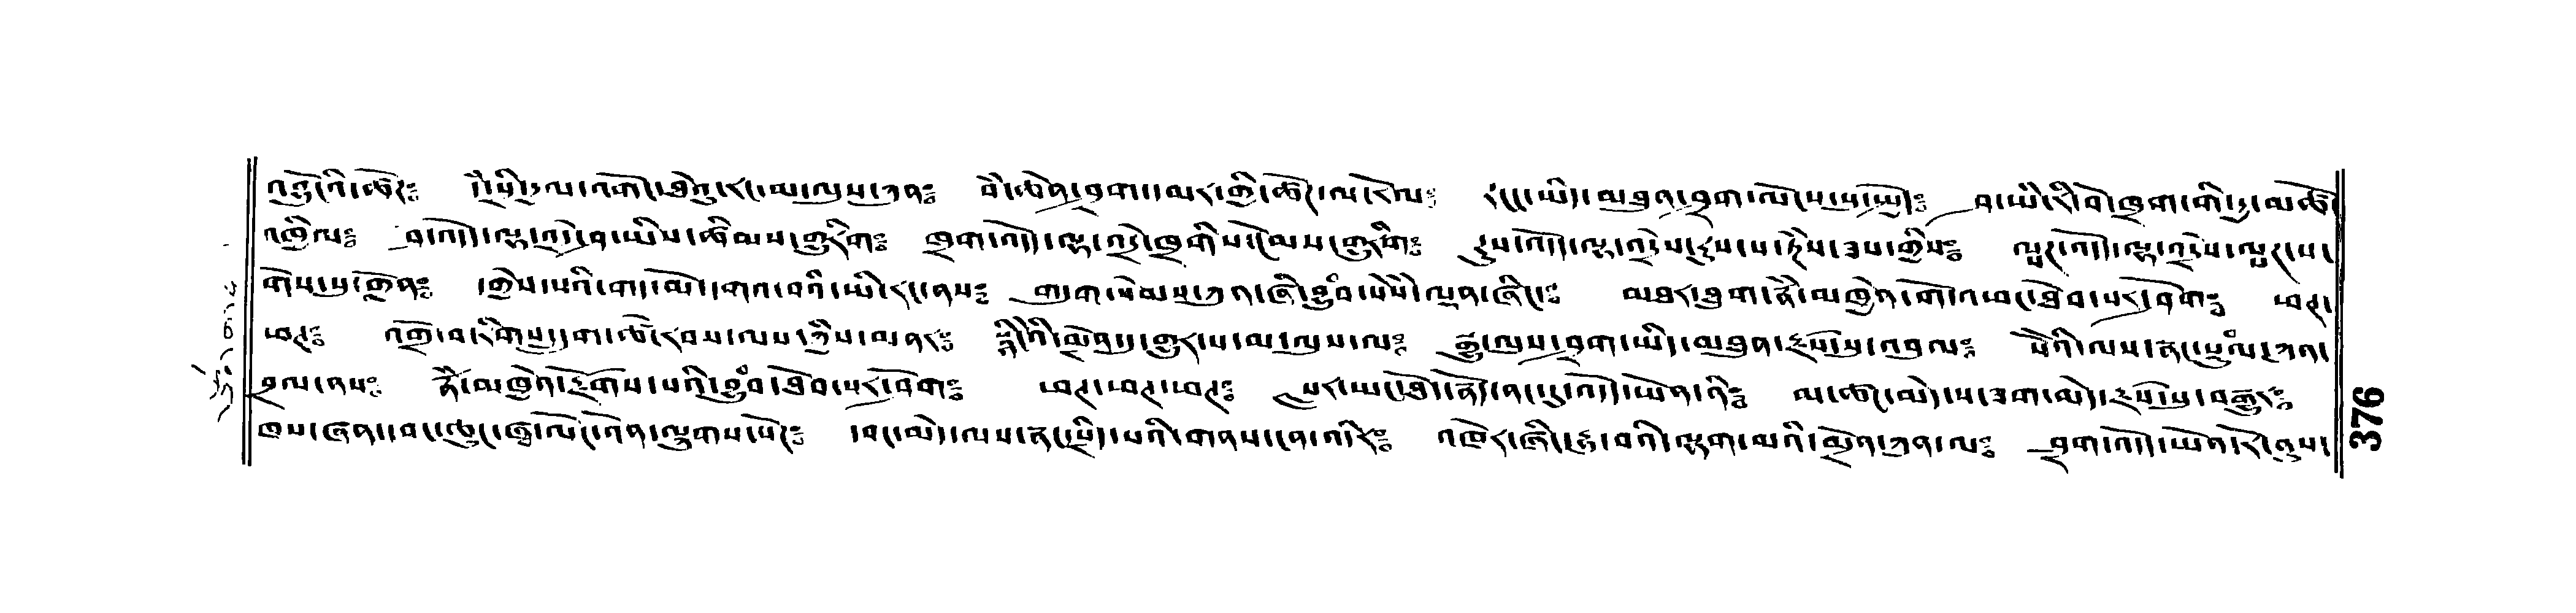འབྱུང་པོའི་ཚོགས༔ དམ་སྲི་རྒྱལ་འགོང་ཐེའུ་རང་མ་ལུས་ཀུན༔ བམ་ཆེན་ཤ་ཁྲག་དམར་གྱི་ཚོགས་ལ་རོལ༔ རང་རང་ཡིད་མཐུན་ཤ་ཁྲག་ལོངས་སུ་སྤྱོད༔ ཤ་ཡི་རི་བོ་ཁྲག་གི་རྒྱ་མཚོ་
འཁྱིལ༔ ཤ་འདོད་ལྷ་འདྲེ་ཤ་ཡིས་ཚིམས་གྱུར་ཅིག༔ ཁྲག་འདོད་ལྷ་འདྲེ་ཁྲག་གིས་ངོམས་གྱུར་ཅིག༔ རུས་འདོད་ལྷ་འདྲེས་རུས་པ་རྔམས་ཟས་ཀྱིས༔ལྤགས་འདོད་ལྷ་འདྲེས་ལྤགས་པ་
གོས་སུ་གྱོནཿ དགྱེས་པའི་གད་མོ་དགའ་བའི་ཡི་རང་ནས༔ གདུག་སེམས་ཀུན་ཞི་བྱང་ཆུབ་སེམས་ལྡན་ཞིང༔ མཐར་ཐུག་རྣམ་མཁྱེན་གོ་འཕང་ཐོབ་པར་ཤོག༔ ཕཊ་
ཕཊཿ འགྲོ་བ་རིགས་དྲུག་ཚེ་རབས་ལས་ཀྱིས་མནར༔ སྙིང་རྗེའི་མགྲོན་དུ་གྱུར་པ་མ་ལུས་ལ༔ སྒྱུ་ལུས་ཤ་ཁྲག་ཡིད་མཐུན་རྫས་སུ་འབུལ༔ སེམས་དཔའི་ལས་སྣང་སྡུག་བསྔལ་ཀུན་
བྲལ་ནས༔ རྣམ་མཁྱེན་རྫོགས་པའི་བྱང་ཆུབ་ཐོབ་པར་ཤོག༔ ཕཊ་ཕཊ་ཕཊཿ སླར་ཡང་ཐོད་སྣོད་ནང་དུ་འདོད་ཡོན་ནི༔ མ་ཚང་མེད་པ་ཟག་མེད་རྫས་སུ་བསྒྱུར༔ 
ཁས་ཞན་དབང་ཆུང་ཞ་ལོང་འོན་ལྐུགས་སོགས༔ དབང་མེད་ལས་སྣང་སྲིད་པའི་གནས་ངན་འདིར༔ འཁོར་ཞིང་རྒྱུ་བའི་ལྷག་མའི་མགྲོན་ཀུན་ལ༔ ཤ་ཁྲག་འདོད་ཡོན་རོ་ནུས་